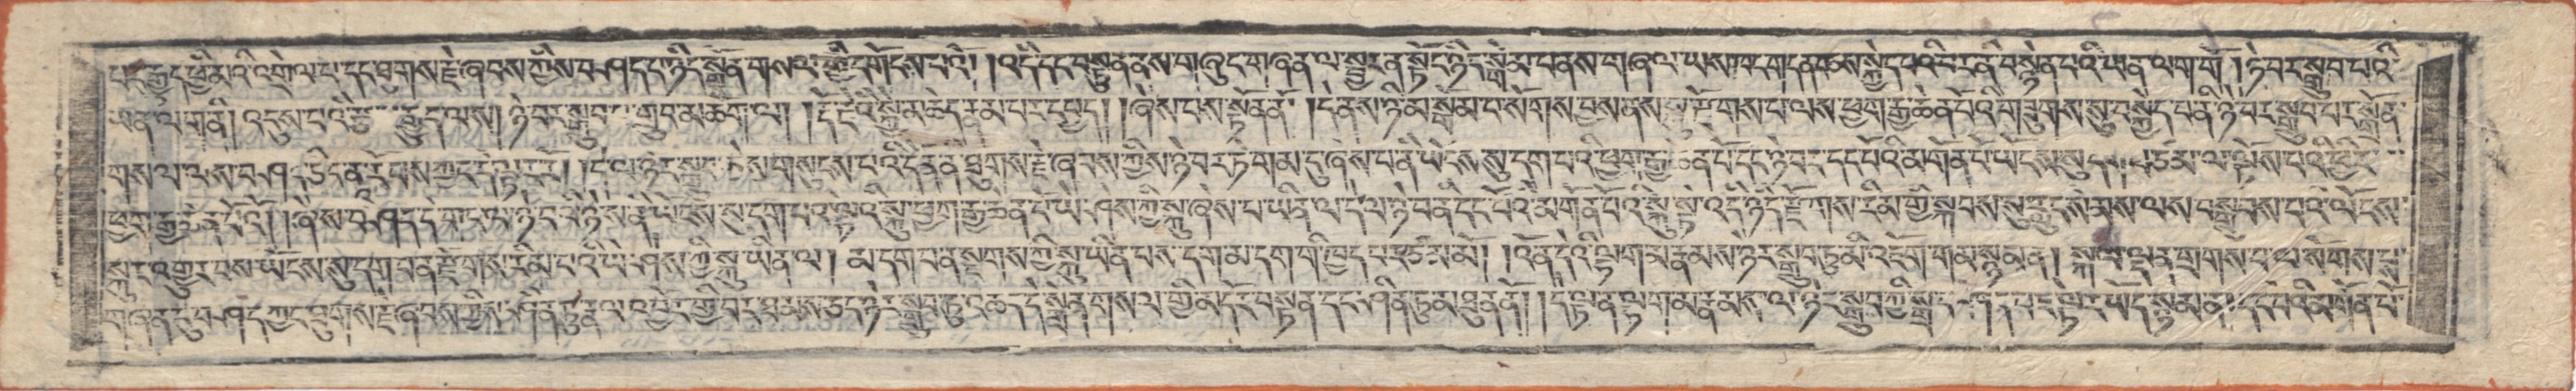པར་རྒྱུད་ཕྱི་མའི་འགྲེལ་པ་དང་ཐུགས་རྗེ་ཞབས་ཀྱིས་བཤད་པ་ཉིད་སྒྲོན་གསལ་གྱི་དགོངས་པའོ། །འདི་དང་བསྟུན་ནས་གཞུང་གཞན་ལ་སྦྱར་ན་སྟོང་ཉིད་སྒོམ་པ་ནས་གཞལ་ཡས་ཁང་གདན་བཅས་སྐྱེད་པའི་བར་ནི་བསྙེན་པའི་ཡན་ལག་གོ །ཉེ་བར་སྒྲུབ་པའི་
ཡན་ལག་ནི། འདུས་པའི་རྩ་རྒྱུད་ལས། ཉེ་བར་སྒྲུབ་པ་གྲུབ་མཆོག་ལ། །རྡོ་རྗེའི་སྐྱེ་མཆེད་རྣམ་པར་དཔྱད། །ཞེས་པས་སྟོན་ནོ། །དེ་ནས་ཉི་མ་སྒོམ་པ་སོགས་བྱས་ནས་སྐུ་རྫོགས་པ་ལས་ཕྱག་རྒྱ་ཆེན་པོའི་གཟུགས་སུ་བསྐྱེད་པ་ནི་ཉེ་བར་སྒྲུབ་པར་སྒྲོན་
གསལ་ལས་བཤད་ཅིང་ནཱ་རོ་པས་ཀྱང་དེ་ལྟར་རོ། །དེ་ལ་ཉེར་སྒྲུབ་ཅེས་གསུངས་པའི་དོན་ནི་ཐུགས་རྗེ་ཞབས་ཀྱིས་ཉེ་བར་ཏེ་གམ་དུ་ཞེས་པ་ནི་ཡོངས་སུ་དག་པའི་ཕྱག་རྒྱ་ཆེན་པོ་དང་ཉེ་བར་དང་པོའི་མགོན་པོ་ཡོངས་སུ་དག་པ་ཙམ་ལ་ལྟོས་པའི་ཕྱིར་
ཕྱག་རྒྱ་ཆེན་པོའོ། །ཞེས་བཤད་དེ་གང་ལ་ཉེ་བའི་ཉེ་ས་ནི་ཡོངས་སུ་དག་པའི་ལྷའི་སྐུ་ཕྱག་རྒྱ་ཆེན་པོ་ཡེ་ཤེས་ཀྱི་སྐུ་ཞེས་པ་ཡིན་ལ་དེ་ལ་ཉེ་བ་ནི་དང་པོའི་མགོན་པོའི་སྐུ་སྟེ་འདི་ཉིད་རྫོགས་རིམ་གྱི་སྐབས་སུ་རླུང་སེམས་ལས་བསྒྲུབས་པའི་ལོངས་
སྐུར་འགྱུར་བས་ཡོངས་སུ་དག་པ་ན་རྫོགས་རིམ་པའི་ཡེ་ཤེས་ཀྱི་སྐུ་ཡིན་ལ། མ་དག་པ་ན་སྔགས་ཀྱི་སྐུ་ཡིན་པས་དག་མ་དག་གི་ཁྱད་པར་ཙམ་མོ། །འོ་ན་དེའི་ལྷག་མ་རྣམས་ཉེར་སྒྲུབ་ཏུ་མི་འཇོག་གམ་སྙམ་ན། སྐལ་ལྡན་གྲགས་པ་ལ་སོགས་པས་
གཞན་དུ་བཤད་ཀྱང་ཐུགས་རྗེ་ཞབས་ཀྱིས་ཤིན་ཏུ་རྣལ་འབྱོར་གྱི་བར་ཐམས་ཅད་ཉེར་སྒྲུབ་ཏུ་འཆད་དེ་སྒྲོན་གསལ་གྱི་མདོར་བསྟན་དང་ཤིན་ཏུ་མཐུན་ནོ། །དེ་ལྟ་ན་ལྷག་མ་རྣམས་ལ་ཉེར་སྒྲུབ་ཀྱི་སྒྲ་བཤད་པ་ཇི་ལྟར་ཡོད་སྙམ་ན། དང་པོའི་མགོན་པོ་